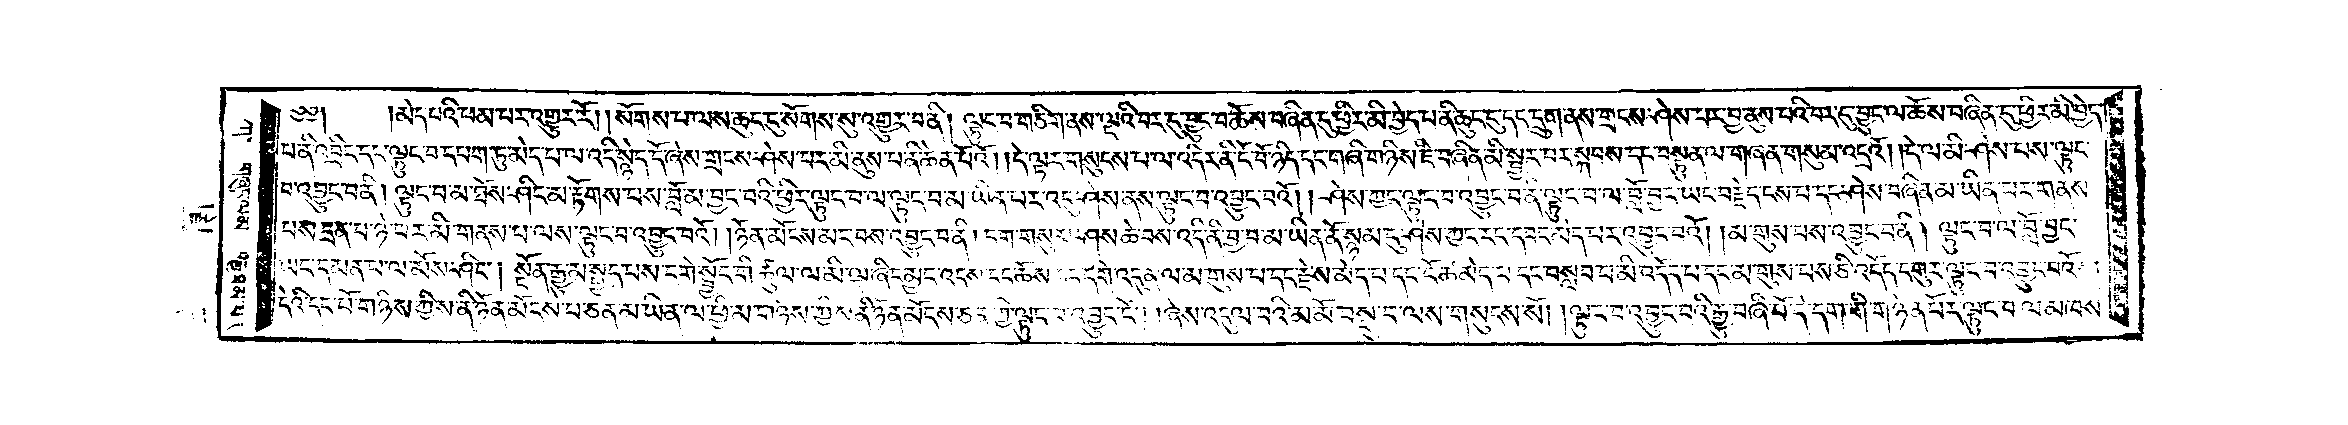༄༅། །མེད་པའི་ཕམ་པར་འགྱུར་རོ། །སོགས་པ་ལས་ཆུང་ངུ་སོགས་སུ་འགྱུར་བ་ནི། ལྟུང་བ་གཅིག་ནས་ལྔའི་བར་དུ་བྱུང་བ་ཆོས་བཞིན་དུ་ཕྱིར་མི་བྱེད་པ་ནི་ཆུང་ངུ་དང་དྲུག་ནས་གྲངས་ཤེས་པར་བྱ་ནུས་པའི་བར་དུ་བྱུང་ལ་ཆོས་བཞིན་དུ་ཕྱིར་མི་བྱེད་
པ་ནི་འབྲིང་དང་ལྟུང་བ་དཔག་ཏུ་མེད་པ་ལ་འདི་སྙེད་དོ་ཞེས་གྲངས་ཤེས་པར་མི་ནུས་པ་ནི་ཆེན་པོའོ། །དེ་ལྟར་གསུངས་པ་ལ་འདིར་ནི་ངོ་བོ་ཉིད་དང་གཞི་གཉིས་ཇི་བཞིན་མི་སྦྱར་བར་སྐབས་དང་བསྟུན་ལ་གཞན་གསུམ་འདྲའོ། །དེ་ལ་མི་ཤེས་པས་ལྟུང་
བ་འབྱུང་བ་ནི། ལྟུང་བ་མ་ཐོས་ཤིང་མ་རྟོགས་པས་བློ་མ་བྱང་བའི་ཕྱིར་ལྟུང་བ་ལ་ལྟུང་བ་མ་ཡིན་པར་འདུ་ཤེས་ནས་ལྟུང་བ་འབྱུང་བའོ། །ཤེས་ཀྱང་ལྟུང་བ་འབྱུང་བ་ནི་ལྟུང་བ་ལ་བློ་བྱང་ཡང་བརྗེད་ངས་པ་དང་ཤེས་བཞིན་མ་ཡིན་པར་གནས་
པས་དྲན་པ་ཉེ་བར་མི་གནས་པ་ལས་ལྟུང་བ་འབྱུང་བའོ། །ཉོན་མོངས་མང་བས་འབྱུང་བ་ནི། དུག་གསུམ་ཤས་ཆེ་བས་འདི་ནི་བྱ་བ་མ་ཡིན་ནོ་སྙམ་དུ་ཤེས་ཀྱང་རང་དབང་མེད་པར་འབྱུང་བའོ། །མ་གུས་པས་འབྱུང་བ་ནི། ལྟུང་བ་ལ་བློ་བྱང་
ཡང་དམན་པ་ལ་མོས་ཤིང་། སྔོན་རྒྱུ་མ་སྤྱད་པས་དགེ་སྦྱོང་གི་ཚུལ་ལ་མི་ལྟ་ཞིང་མྱང་འདས་དང་ཆོས་དང་དགེ་འདུན་ལ་མ་གུས་པ་དང་རྗེ་ས་མེད་པ་དང་ངོ་ཚ་མེད་པ་དང་བསླབ་པ་མི་འདོད་པ་དང་མ་གུས་པས་ཅི་འདོད་དགུར་ལྟུང་བ་འབྱུང་བའོ། །
དེའི་དང་པོ་གཉིས་ཀྱིས་ནི་ཉོན་མོངས་པ་ཅན་མ་ཡིན་ལ་ཕྱི་མ་གཉིས་ཀྱིས་ནི་ཉོན་མོངས་ཅན་གྱི་ལྟུང་བ་འབྱུང་ངོ། །ཞེས་འདུལ་བའི་མ་མོ་བསྡུ་ད་ལས་གསུངས་སོ། །ལྟུང་བ་འབྱུང་བའི་རྒྱུ་བཞི་པོ་དེ་དག་གི་གཉེན་པོར་ལྟུང་བ་ལ་མཁས་